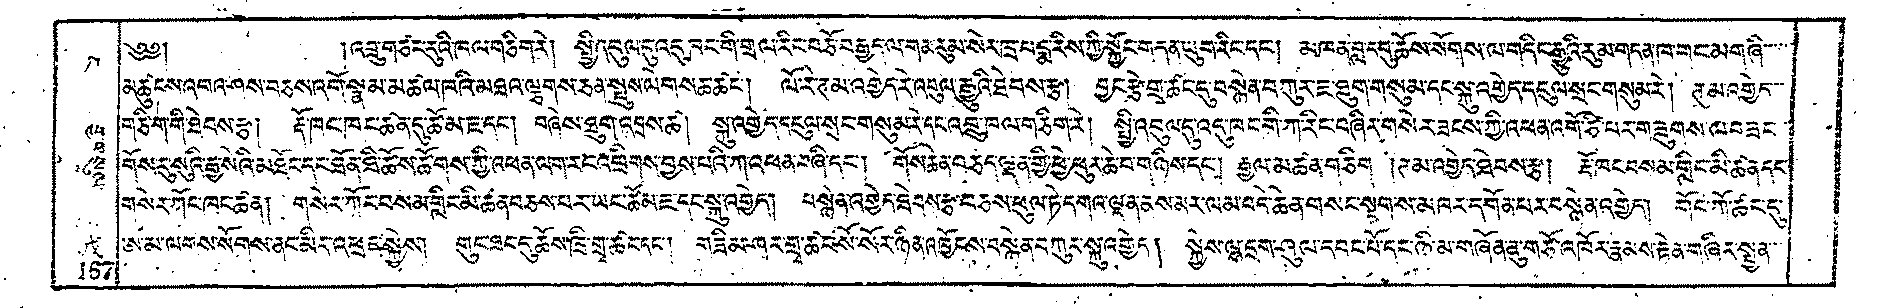༄༅། །འབྲུ་གཙང་རུའི་ཁལ་གཅིག་རེ། སྤྱི་འབུལ་དུ་འདུ་ཁང་གི་གྲལ་རིང་བཅོ་བརྒྱད་ལ་གམ་རུམ་སེར་ཁྲ་པདམ་རིས་ཀྱི་སྐྱོང་གདན་ཡུག་རིང་དང་། མཁན་བླ་དབུ་ཆོས་སོགས་ལ་གདིང་རྒྱུའི་རུམ་གདན་ཁ་གང་མ་གཞི་
མཚུངས་འགའ་ཤས་བཅས་འགོ་སྣམ་མཚལ་ཁའི་མཐའ་ལྕགས་ཅན་སྤུས་ལེགས་ཆ་ཚང་། ལོ་རེ་ཊམ་འགྱེད་རེ་འབུལ་རྒྱུའི་ཐེབས་རྩ། བྱང་རྩེ་གྲྭ་ཚང་དུ་བསྙེན་བཀུར་ཇ་ཐུག་གསུམ་དང་སྐུ་འགྱེད་དངུལ་སྲང་གསུམ་རེ། ཊམ་འགྱེད་
གཅིག་གི་ཐེབས་རྩ། རྡོ་ཁང་ཁང་ཚན་དུ་ཚོམ་ཇ་དང་། བཞེས་ཐུག་འབྲས་ཚ། སྐུ་འགྱེད་དངུལ་སྲང་གསུམ་རེ་དང་འབྲུ་ཁལ་གཅིག་རེ། སྤྱི་འབུལ་དུ་འདུ་ཁང་གི་ཀ་རིང་བཞིར་གསེར་ཟངས་ཀྱི་འཕན་འགོ་ཙི་པར་གཟུགས་ལ་བཟང་
གོས་རུ་སུའི་རྒྱ་སེའི་མཐོང་དང་ཐོན་ཐི་ཚོས་ཚོགས་ཀྱི་འཕན་ལག་རང་འགྲིགས་བྱས་པའི་ཀ་འཕན་བཞི་དང་། གོས་ཆེན་བཅད་ལྡན་གྱི་ཕྱེ་ཕུར་ཆེ་བ་གཉིས་དང་། རྒྱལ་མཚན་གཅིག །ཊམ་འགྱེད་ཐེབས་རྩ། རྡོ་ཁང་བསམ་གླིང་མི་ཚན་དང་
གསེར་ཀོང་ཁང་ཚན། གསེར་ཀོང་བསམ་གླིང་མི་ཚན་བཅས་པར་ཡང་ཚོམ་ཇ་དང་སྐུ་འགྱེད། བསྙེན་འགྱེད་ཐེབས་རྩ་བཅས་ཕུལ་ཏེ་དགའ་ལྡན་ནས་མར་ལམ་བདེ་ཆེན་གསང་སྔགས་མཁར་དགོན་པར་བསྙེན་འགྱེད། གོང་ཀོ་ཚང་དུ་
ཨ་མ་ལགས་སོགས་ནང་མིར་འཕྲད་སྐྱེས། གུང་ཐང་དུ་ཆོས་ཁྲི་གྲྭ་ཚང་དང་། གཟིམ་ཤར་གྲྭ་ཚང་སོ་སོར་ཉིན་འཁྱོངས་བསྙེན་བཀུར་སྐུ་འགྱེད། སྐྱེས་ལྷ་དྲག་ཤུལ་དབང་པོ་དང་ཉི་མ་གཞོན་ནུ་གཙོ་འཁོར་རྣམས་རྟེན་གཞིར་སྤྱན་